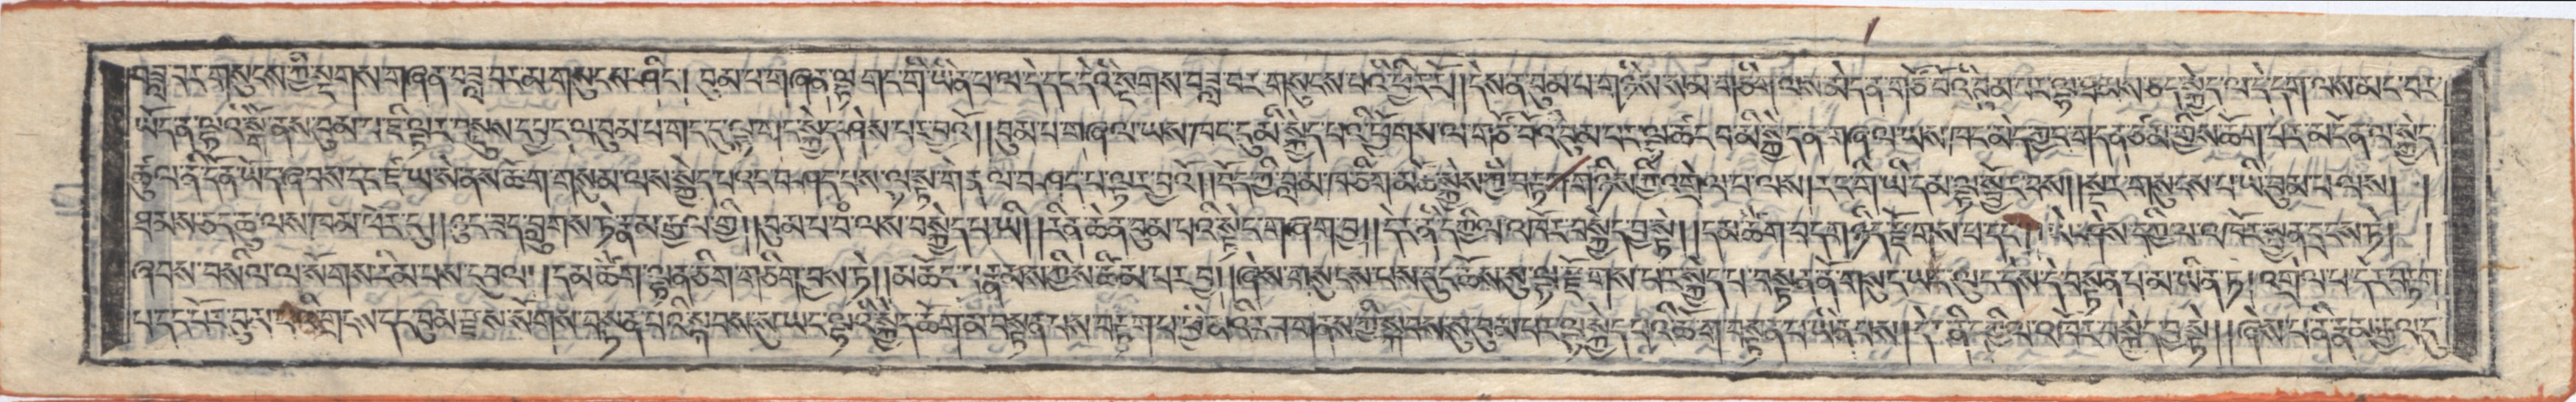བཟླ་བར་གསུངས་ཀྱི་སྔགས་གཞན་བཟླ་བར་མ་གསུངས་ཤིང་། བུམ་པ་གཞན་ལྷ་གང་གི་ཡིན་པ་ལ་དེ་དང་དེའི་སྔགས་བཟླ་བར་གསུངས་པའི་ཕྱིར་རོ། །དེས་ན་བུམ་པ་གཉིས་སམ་གཅིག་ལས་མེད་ན་གཙོ་བོའི་བུམ་པར་ལྷ་ཐམས་ཅད་སྐྱེད་ལ་དེ་དག་ལས་མང་བར་
ཡོད་ན་ལྷའི་སྒོ་ནས་བུམ་པ་ཇི་ལྟར་བསྡུས་དཔྱད་ལ་བུམ་པ་གང་དུ་ལྷ་གང་སྐྱེད་ཤེས་པར་བྱའོ། །བུམ་པ་གཞལ་ཡས་ཁང་དུ་མི་སྐྱེད་པའི་ཕྱོགས་ལ་གཙོ་བོའི་བུམ་པར་ལྷ་ཚང་བ་མི་སྐྱེད་ན་གཞལ་ཡས་ཁང་མེད་ཀྱང་གདན་ཙམ་གྱིས་ཆོག་པར་མངོན་ལ་སྐྱེད་
ཚུལ་ནི་དོན་ཡོད་ཞབས་དང་ཛ་ཡ་སེ་ནས་ཆོ་ག་གསུམ་ལས་སྐྱེད་པའང་བཤད་པས་ལྷ་སྟ་གོན་ལ་བཤད་པ་ལྟར་བྱའོ། །བོད་ཀྱི་བླ་མ་ཁ་ཅིག་མཆོ་སྐྱེས་ཀྱི་བརྟག་གཉིས་ཀྱི་འགྲེལ་པ་ལས། རང་གི་ཡི་དམ་ལྷ་སྦྱོར་བས། །སྔར་གསུངས་པ་ཡི་བུམ་པ་ལས། །
ཐམས་ཅད་ཆུ་ལས་ཁམ་ཕོར་དུ། །ཉུང་ཟད་བླུགས་ཏེ་རྣམ་རྒྱལ་གྱི། །བུམ་པ་བཾ་ལས་བསྐྱེད་པ་ཡི། །རིན་ཆེན་བུམ་པའི་སྟེང་གཞག་བྱ། །དེར་ནི་དཀྱིལ་འཁོར་བསྐྱེད་བྱ་སྟེ། །དམ་ཚིག་བདག་ཉིད་རྫོགས་པ་དང་། །ཡེ་ཤེས་དཀྱིལ་འཁོར་སྤྱན་དྲངས་ཏེ། །
ཞབས་བསིལ་ལ་སོགས་རིམ་པས་དབུལ། །དམ་ཚིག་ལྷན་ཅིག་གཅིག་བྱས་ཏེ། །མཆོད་པ་རྣམས་ཀྱིས་ཚིམ་པར་བྱ། །ཞེས་གསུངས་པས་དུང་ཆོས་སུ་ལྷ་རྫོགས་པར་སྐྱེད་པ་བསྟན་ནོ་གསུང་ཡང་ལུང་དེས་དེ་བསྟན་པ་མ་ཡིན་ཏེ། འགྲེལ་པ་དེར་བརྟག་
པ་དང་པོར་བུམ་པའི་གྲངས་དང་བུམ་རྫས་སོགས་བསྟན་པའི་སྐབས་སུ་ཡང་ལྷའི་སྐྱེད་ཆོག་མ་བསྟན་པས་བརྟག་པ་ཕྱི་མའི་རབ་གནས་ཀྱི་སྐབས་སུ་བུམ་པར་ལྷ་སྐྱེད་པའི་ཆོ་ག་བསྟན་པ་ཡིན་པས། དེར་ནི་དཀྱིལ་འཁོར་བསྐྱེད་བྱ་སྟེ། །ཞེས་པ་ནི་རྣམ་རྒྱལ་དུ་